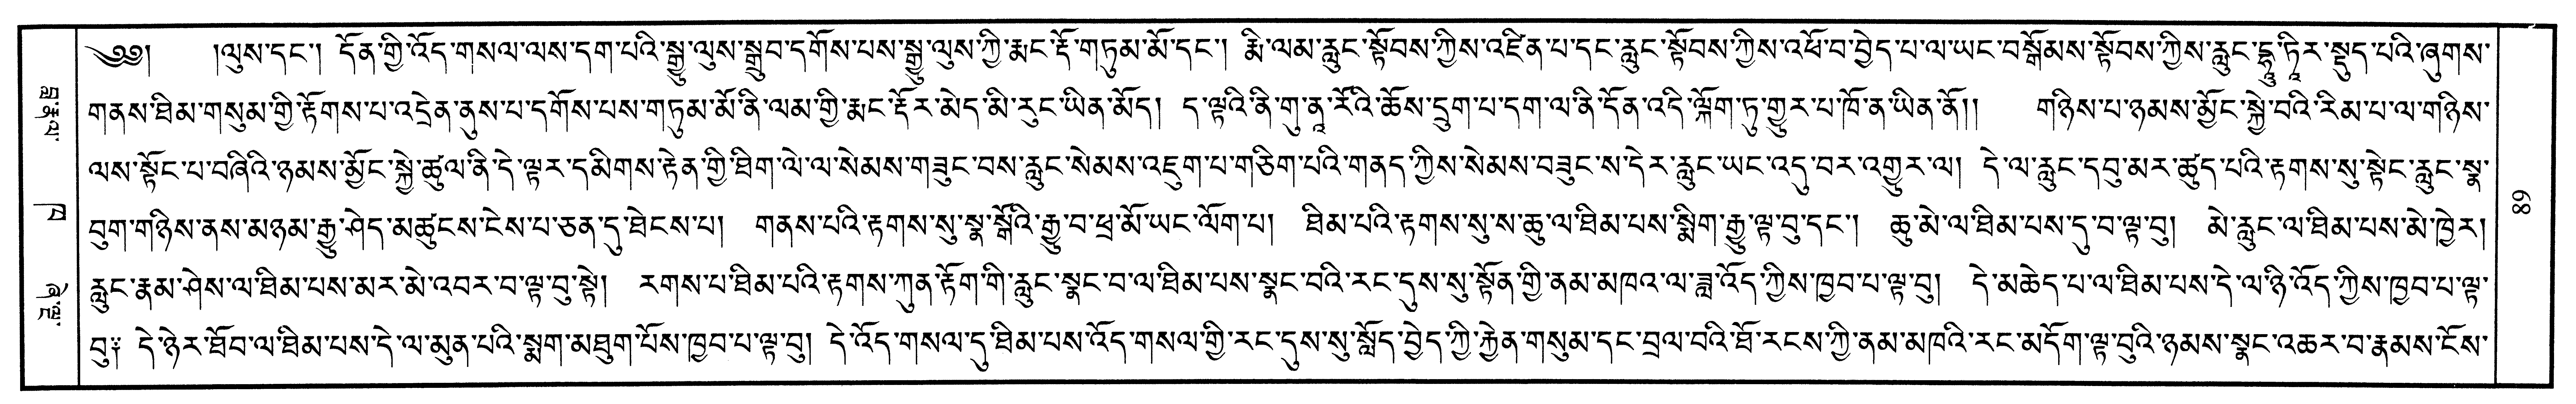༄༅། །ལུས་དང་། དོན་གྱི་འོད་གསལ་ལས་དག་པའི་སྒྱུ་ལུས་སྒྲུབ་དགོས་པས་སྒྱུ་ལུས་ཀྱི་རྨང་རྡོ་གཏུམ་མོ་དང་། རྨི་ལམ་རླུང་སྟོབས་ཀྱིས་འཛིན་པ་དང་རླུང་སྟོབས་ཀྱིས་འཕོ་བ་བྱེད་པ་ལ་ཡང་བསྒོམས་སྟོབས་ཀྱིས་རླུང་དྷཱུ་ཏཱིར་སྡུད་པའི་ཞུགས་
གནས་ཐིམ་གསུམ་གྱི་རྟོགས་པ་འདྲེན་ནུས་པ་དགོས་པས་གཏུམ་མོ་ནི་ལམ་གྱི་རྨང་རྡོར་མེད་མི་རུང་ཡིན་མོད། ད་ལྟའི་ནི་གུ་ནཱ་རོའི་ཆོས་དྲུག་པ་དག་ལ་ནི་དོན་འདི་ལྐོག་ཏུ་གྱུར་པ་ཁོ་ན་ཡིན་ནོ།། གཉིས་པ་ཉམས་མྱོང་སྐྱེ་བའི་རིམ་པ་ལ་གཉིས་
ལས་སྟོང་པ་བཞིའི་ཉམས་མྱོང་སྐྱེ་ཚུལ་ནི་དེ་ལྟར་དམིགས་རྟེན་གྱི་ཐིག་ལེ་ལ་སེམས་གཟུང་བས་རླུང་སེམས་འཇུག་པ་གཅིག་པའི་གནད་ཀྱིས་སེམས་བཟུང་ས་དེར་རླུང་ཡང་འདུ་བར་འགྱུར་ལ། དེ་ལ་རླུང་དབུ་མར་ཚུད་པའི་རྟགས་སུ་སྟེང་རླུང་སྣ་
བུག་གཉིས་ནས་མཉམ་རྒྱུ་ཤེད་མཚུངས་ངེས་པ་ཅན་དུ་ཐེངས་པ། གནས་པའི་རྟགས་སུ་སྣ་སྒོའི་རྒྱུ་བ་ཕྲ་མོ་ཡང་ལོག་པ། ཐིམ་པའི་རྟགས་སུ་ས་ཆུ་ལ་ཐིམ་པས་སྨིག་རྒྱུ་ལྟ་བུ་དང་། ཆུ་མེ་ལ་ཐིམ་པས་དུ་བ་ལྟ་བུ། མེ་རླུང་ལ་ཐིམ་པས་མེ་ཁྱེར།
རླུང་རྣམ་ཤེས་ལ་ཐིམ་པས་མར་མེ་འབར་བ་ལྟ་བུ་སྟེ། རགས་པ་ཐིམ་པའི་རྟགས་ཀུན་རྟོག་གི་རླུང་སྣང་བ་ལ་ཐིམ་པས་སྣང་བའི་རང་དུས་སུ་སྟོན་གྱི་ནམ་མཁའ་ལ་ཟླ་འོད་ཀྱིས་ཁྱབ་པ་ལྟ་བུ། དེ་མཆེད་པ་ལ་ཐིམ་པས་དེ་ལ་ཉི་འོད་ཀྱིས་ཁྱབ་པ་ལྟ་
བུ༑ དེ་ཉེར་ཐོབ་ལ་ཐིམ་པས་དེ་ལ་མུན་པའི་སྨག་མཐུག་པོས་ཁྱབ་པ་ལྟ་བུ། དེ་འོད་གསལ་དུ་ཐིམ་པས་འོད་གསལ་གྱི་རང་དུས་སུ་སློད་བྱེད་ཀྱི་རྐྱེན་གསུམ་དང་བྲལ་བའི་ཐོ་རངས་ཀྱི་ནམ་མཁའི་རང་མདོག་ལྟ་བུའི་ཉམས་སྣང་འཆར་བ་རྣམས་ངོས་